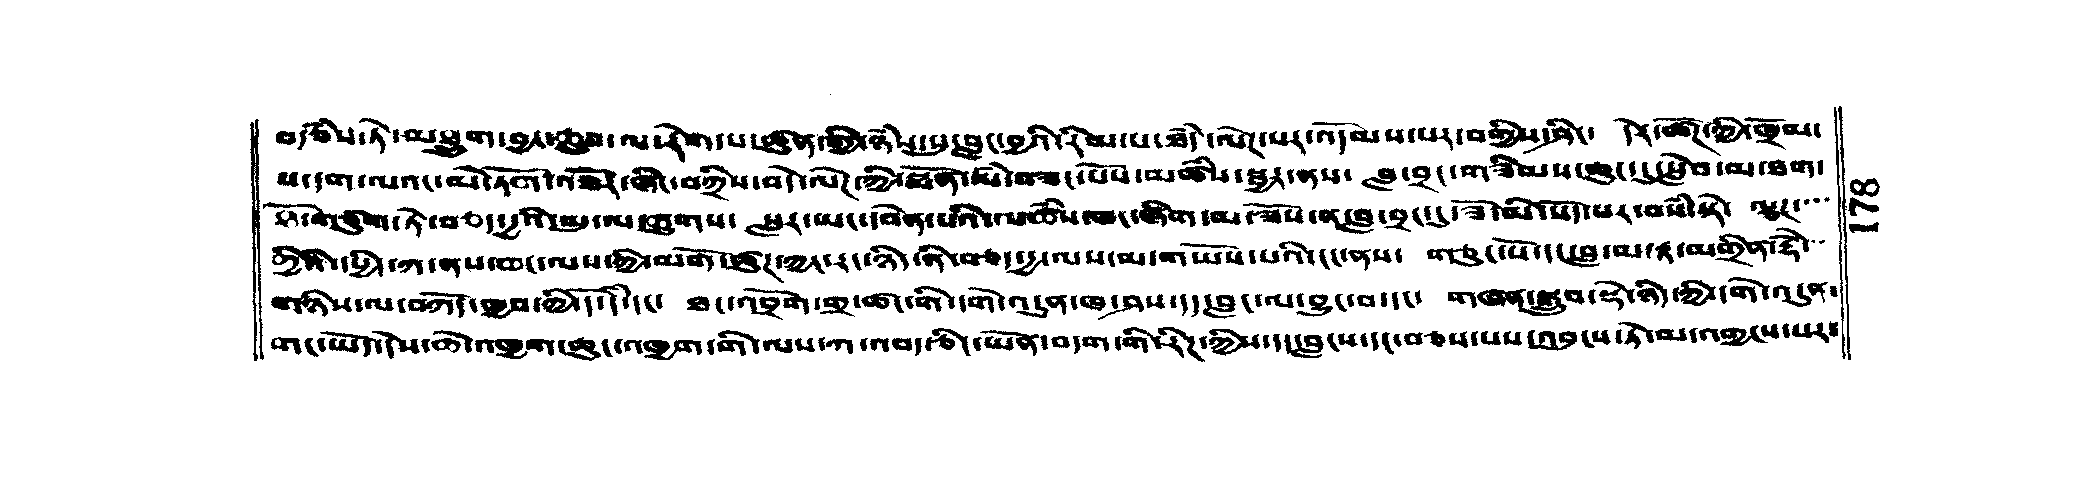བརྩམས་ཏེ་མཐར་ཐུག་བྱང་ཆུབ་ལ་རེག་པ་ཚུལ་གྱི་ཉམས་སུ་བླང་བྱའི་རིམ་པ་ཐམས་ཅད་ལེགས་པར་འདོམས་པར་བགྱིས་ཤིང་། དེར་ཚོགས་ཀྱི་ཁྲོམ་
པ་དག་ལའང་མེ་ཏོག་འཐོར་ཞིང་བཀྲ་ཤིས་བདེ་ལེགས་ཀྱི་སྨོན་ལམ་བཟང་པོས་མཚམས་སྦྱར་ནས། བླ་བྲང་གཟིམས་ཆུང་དུ་སླེབས་མ་ཐག་
ཐོ་གཙུགས་ཏེ་བཅད་རྒྱའི་མུ་ལ་ཞུགས། སླར་ཡང་དབེན་པའི་མཚམས་ཁང་ཞིག་མ་ཟོས་ན་བླ་བྲང་ཟོ་མི་སོད་པར་བསམ་སྟེ། ལྕགས་
ཁྱིའི་དཔྱིད་ཀ་ནས་ཁང་ལས་ཀྱི་མགོ་ཚུགས་ཀྱང་རང་ཉིད་ནི་བཅད་རྒྱ་ལས་མ་གཡོས་པའི་ངང་ནས། གཅུང་པོ་དང་བླ་མ་རྟ་མགྲིན་རྡོ་རྗེ་
གཉིས་ལ་བཀོད་ཁྱབ་ཀྱི་དོ་དམ་དང་། ཐང་འབྲོག་གྲྭ་ཚང་གི་དགེ་འདུན་ཁ་ཤས་དང་བླང་ལ་བྱུང་བ་དང་། གཞན་སྒྲུབ་སྡེ་ཉིད་ཀྱི་དགེ་འདུན་
གང་ཡོད་དེས་ཆེ་འཁྱག་ཆུང་འཁྱག་གི་ལས་ཀར་འབད་ཅིང་ཡོན་བདག་གི་རིགས་ཀྱིས་དང་བླངས་དང་བཅས་པས་འབུངས་ཏེ་མ་འགྱངས་པར་